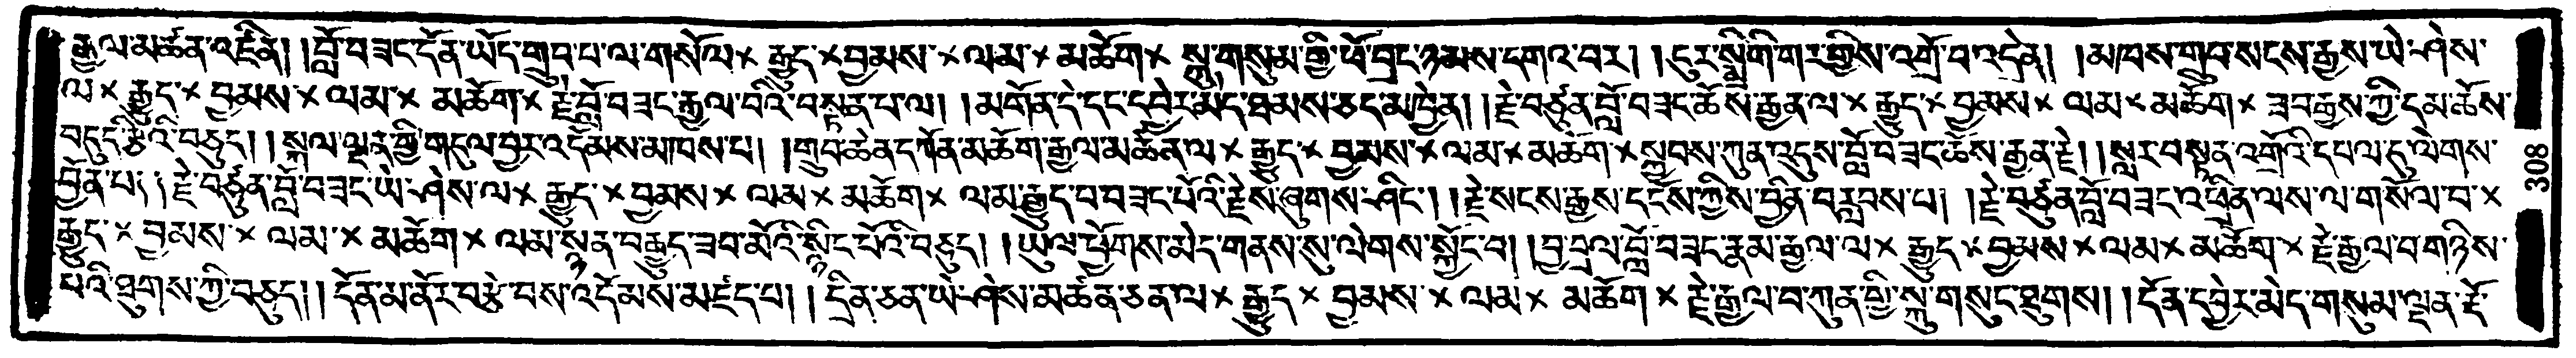རྒྱལ་མཚན་འཛིན། །བློ་བཟང་དོན་ཡོད་གྲུབ་པ་ལ་གསོལ་{྾}་རྒྱུད་{྾}་བྱམས་{྾}་ལམ་{྾}་མཆོག་{྾}་སྐུ་གསུམ་གྱི་ཕོ་བྲང་ཉམས་དགའ་བར། །ངུར་སྨྲིག་གི་གར་གྱིས་འགྲོ་བ་འདྲེན། །མཁས་གྲུབ་སངས་རྒྱས་ཡེ་ཤེས་
ལ་{྾}་རྒྱུད་{྾}་བྱམས་{྾}་ལམ་{྾}་མཆོག་{྾}་རྗེ་བློ་བཟང་རྒྱལ་བའི་བསྟན་པ་ལ། །མགོན་དེ་དང་དབྱེར་མེད་ཐམས་ཅད་མཁྱེན། །རྗེ་བཙུན་བློ་བཟང་ཆོས་རྒྱན་ལ་{྾}་རྒྱུད་{྾}་བྱམས་{྾}་ལམ་{྾}་མཆོག་{྾}་ཟབ་རྒྱས་ཀྱི་དམ་ཆོས་
བདུད་རྩིའི་བཅུད། །སྐལ་ལྡན་གྱི་གདུལ་བྱར་འདོམས་མཁས་པ། ། གྲུབ་ཆེན་དཀོན་མཆོག་རྒྱལ་མཚན་ལ་{྾}་རྒྱུད་{྾}་བྱམས་{྾}་ལམ་{྾}་མཆོག་{྾}་སྐྱབས་ཀུན་འདུས་བློ་བཟང་ཆོས་རྒྱན་རྗེ། །སླར་བསྟན་འགྲོའི་དཔལ་དུ་ལེགས་
བྱོན་པ། །རྗེ་བཙུན་བློ་བཟང་ཡེ་ཤེས་ལ་{྾}་རྒྱུད་{྾}་བྱམས་{྾}་ལམ་{྾}་མཆོག་{྾}་ལམ་རྒྱུད་པ་བཟང་པོའི་རྗེས་ཞུགས་ཤིང་། །རྗེ་སངས་རྒྱས་དངོས་ཀྱིས་བྱིན་བརླབས་པ། །རྗེ་བཙུན་བློ་བཟང་འཕྲིན་ལས་ལ་གསོལ་བ་{྾}
རྒྱུད་{྾}་བྱམས་{྾}་ལམ་{྾}་མཆོག་{྾}་ལམ་སྙན་བརྒྱུད་ཟབ་མོའི་སྙིང་པོའི་བཅུད། །ཡུལ་ཕྱོགས་མེད་གནས་སུ་ལེགས་སྐྱོང་བ། །བྱ་བྲལ་བློ་བཟང་རྣམ་རྒྱལ་ལ་{྾}་རྒྱུད་{྾}་བྱམས་{྾}་ལམ་{྾}་མཆོག་{྾}་རྗེ་རྒྱལ་བ་གཉིས་
པའི་ཐུགས་ཀྱི་བཅུད། །དོན་མ་ནོར་བརྩེ་བས་འདོམས་མཛད་པ། །དྲིན་ཅན་ཡེ་ཤེས་མཚན་ཅན་ལ་{྾}་རྒྱུད་{྾}་བྱམས་{྾}་ལམ་{྾}་མཆོག་{྾}་རྗེ་རྒྱལ་བ་ཀུན་གྱི་སྐུ་གསུང་ཐུགས། །དོན་དབྱེར་མེད་གསུམ་ལྡན་རྡོ་